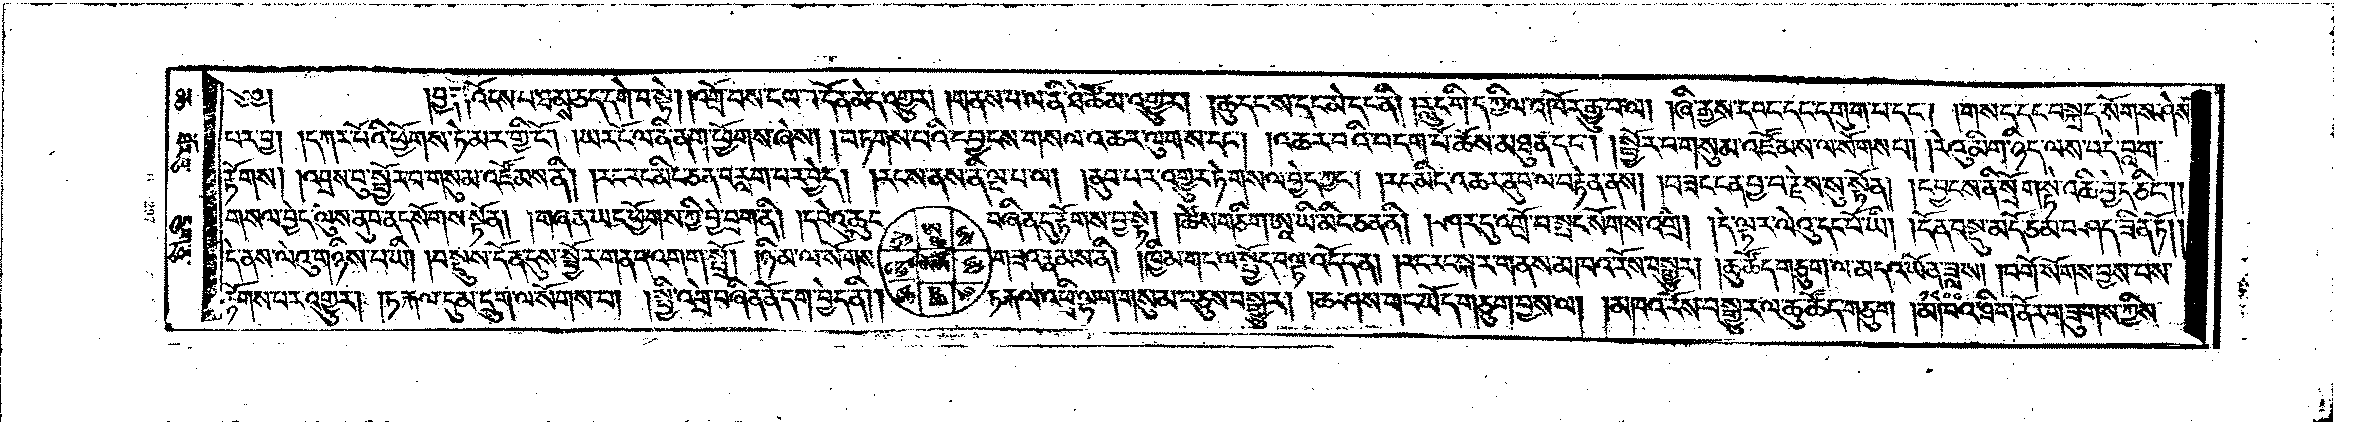༄༅། །བྱ༑ ༑འོངས་པ་ཐམས་ཅད་དགེ་བ་སྟེ། །འགྲོ་བས་ངལ་བ་དོན་མེད་འགྱུར། །གནས་པ་ལ་ནི་ཐེ་ཚོམ་འགྱུར། །ཆུ་དང་ས་དང་མེད་དང་ནི། །རླུང་གི་དཀྱིལ་འཁོར་རྒྱུ་པ་ལ། །ཞི་རྒྱས་དབང་དང་དགུག་པ་དང་། །གསད་དང་བསྐྲད་སོགས་ཤེས་
པར་བྱ། །དཀར་པོའི་ཕྱོགས་ཏེ་མར་གྱི་ངོ། །ཡར་ངོལ་ནི་ནག་ཕྱོགས་ཞེས། །བཏགས་པའི་དབྱངས་གསལ་འཆར་ལུགས་དང་། །འཆར་བའི་བདག་པོ་ཆོས་མཐུན་དང་། །སྦྱོར་བ་གསུམ་འཛོམས་ལ་སོགས་པ། །རེའུ་མིག་ཉིད་ལས་བདེ་བླ་ག་
རྟོགས། །འབྲས་བུ་སྦྱོར་བ་གསུམ་འཛོམས་ནི། །རང་རང་མིང་ཅན་བརླག་པར་བྱེད། །རངས་ནས་ནི་ལྔ་པ་ལ། །ནུབ་པར་འགྱུར་ཏེ་གསལ་བྱེད་ཀྱང་། །རང་མིང་འཆར་ནུབ་ལ་བརྟེན་ནས། །བཟང་ངན་བྱ་བ་རྗེས་སུ་སྟོན། །དབྱངས་ནི་སྲོག་སྟེ་འཆི་བྱེད་ཅིང།།
གསལ་བྱེད་ལུས་ནུབ་ནད་སོགས་སྟོན། །གཞན་ཡང་ཕྱོགས་ཀྱི་བྱེ་བྲག་ནི། །དཔེའུ་ཆུང་བཞིན་དུ་རྟོགས་བྱ་སྟེ། །ཚེས་གཅིག་ཨཱ་ཡི་མིང་ཅན་ནི། །ཤར་དུ་འགྲོ་བ་སྤང་སོགས་འགྲི། །དེ་ལྟར་ལེའུ་དང་པོ་ཡི། །དོན་བསྡུ་མདོ་ཙམ་བཤད་ཟིན་ཏོ། །
དེ་ནས་ལེའུ་གཉིས་པ་ཡི། །བསྡུས་དོན་དུས་སྦྱོར་གནད་འགག་སྤྲོ། །ཉི་མ་ལ་སོགས་གཟའ་རྣམས་ནི། །ཁྱིམ་གང་ལ་སྤྱོད་བལྟ་འདོད་ན། །རང་རང་སྐར་གནས་མཁའ་རོས་བསྒྱུར། །ཆུ་ཚོད་གཅིག་ལ་མདའ་ཡོན་ཟླས། །བགོ་སོགས་བྱས་པས་
རྟོགས་པར་འགྱུར། །ཏ་རྐལ་དུམ་དྲུག་ལ་སོགས་པ། །སྤྱི་འགྲེ་བཞིན་ནོ་དག་བྱེད་ནི།། ཏརྐལ་འཕྲི་ལྷག་གསུམ་བཅུས་བསྒྱུར། །ཆ་ཤས་གང་ཡོད་གཅུག་བྱས་ལ། །མཁའ་རོས་བསྒྱུར་ལ་ཆུ་ཚོད་གཅུག །མཁའ་ཐིག་ནོར་གཟུགས་ཀྱིས་